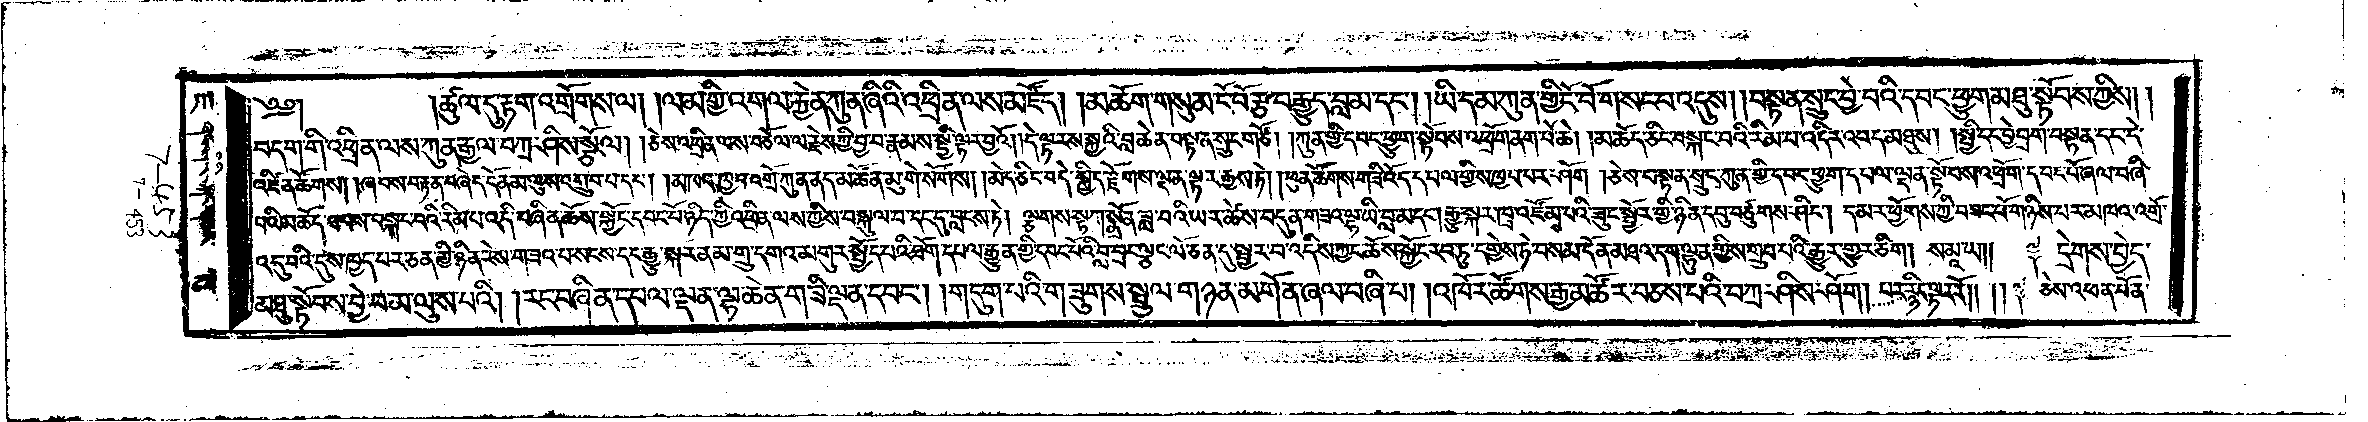༄༅། །ཚུལ་དུ་རྟག་འགྲོགས་ལ། །ལམ་གྱི་འགལ་རྐྱེན་ཀུན་ཞིའི་འཕྲིན་ལས་མཛོད། །མཆོག་གསུམ་ངོ་བོ་རྩ་བརྒྱུད་བླ་མ་དང་། །ཡི་དམ་ཀུན་གྱི་ངོ་བོ་གསང་བ་འདུས། །བསྟན་སྲུང་བྱེ་པའི་དབང་ཕྱུག་མཐུ་སྟོབས་ཀྱིས། །
བདག་གི་འཕྲིན་ལས་ཀུན་རྒྱལ་བཀྲ་ཤིས་སྩོལ། །ཅེས་འཕྲིན་ལས་བཅོལ་ལ་རྗེས་ཀྱི་བྱ་བ་རྣམས་སྤྱི་ལྟར་བྱའོ། །དེ་ལྟར་ས་སྐྱའི་བླ་ཆེན་བསྟན་སྲུང་གཙོ། །ཀུན་གྱི་དབང་ཕྱུག་སྟོབས་འཕྲོག་ནག་པོ་ཆེ། །མཆོད་ཅིང་བསྐང་བའི་རིམ་པ་འདིར་འབད་མཐུས། །སྤྱི་དང་བྱེ་བྲག་བསྟན་དང་དེ་
འཛིན་ཚོགས། །ཞབས་བརྟན་བཞེད་དོན་མཁུས་འགྲུབ་པ་དང་། །མཁའ་ཁྱབ་འགྲོ་ཀུན་ནད་མཚོན་མུ་གེ་སོགས། །མེད་ཅིང་བདེ་སྐྱིད་རྫོགས་ལྡན་ལྟར་རྒྱས་ཏེ། །ཕུན་ཚོགས་གཟི་འོད་དཔལ་གྱིས་ཁྱབ་པར་ཤོག །ཅེས་བསྟན་སྲུང་ཀུན་གྱི་དབང་ཕྱུག་དཔལ་ལྡན་སྟོབས་འཕྲོག་དབང་པོ་ཞལ་བཞི་
པའི་མཆོད་ཐབས་བསྐང་བའི་རིམ་པ་འདི་བཞིན་ཆོས་སྐྱོང་དབང་པོ་ཉིད་ཀྱི་འཕྲིན་ལས་ཀྱིས་བསྐུལ་བ་དང་དུ་བླངས་ཏེ། ལྕགས་སྟག་སྣོན་ཟླ་བའི་ཡར་ཚེས་བདུན་གཟའ་ལྷ་ཡི་བླ་མ་དང་། རྒྱུ་སྐར་ཁྲ་འཛོམས་པའི་ཟུང་སྦྱོར་གྱི་ཉིན་དབུ་བཙུགས་ཤིང་། དམར་ཕྱོགས་ཀྱི་བཟང་པོ་གཉིས་པར་མཁའ་འགྲོ་
འདུ་བའི་དུས་ཁྱད་བར་ཅན་གྱི་ཉིན་རེས་གཟའ་བ་སངས་དང་རྒྱུ་སྐར་ནམ་གྲུ་དགའ་མགུར་སྤྱོད་པའི་ཐོག་དཔལ་རྒྱུན་གྱི་དབང་པོའི་བླ་བྲང་ལྕང་ལོ་ཅན་དུ་སྦྱར་བ་འདིས་ཀྱང་ཆོས་སྐྱོང་རབ་ཏུ་དགྱེས་ཏེ་བསམ་དོན་མཐའ་དག་ལྷུན་གྱིས་གྲུབ་པའི་རྒྱུར་གྱུར་ཅིག། ས་མཱ་ཡ།། ༈དྲེགས་བྱེད་
མཐུ་སྟོབས་བྱེ་བ་མ་ལུས་པའི། །རང་བཞིན་དཔལ་ལྡན་ལྷ་ཆེན་གཟི་ལྡན་དབང་། །གདུག་པའི་གཟུགས་སྤྲུལ་གཉན་མགོན་ཞལ་བཞི་པ། །འཁོར་ཚོགས་རྒྱ་མཚོར་བཅས་པའི་བཀྲ་ཤིས་ཤོག། །།༈ ཅེས་འཕན་པོ་ན་